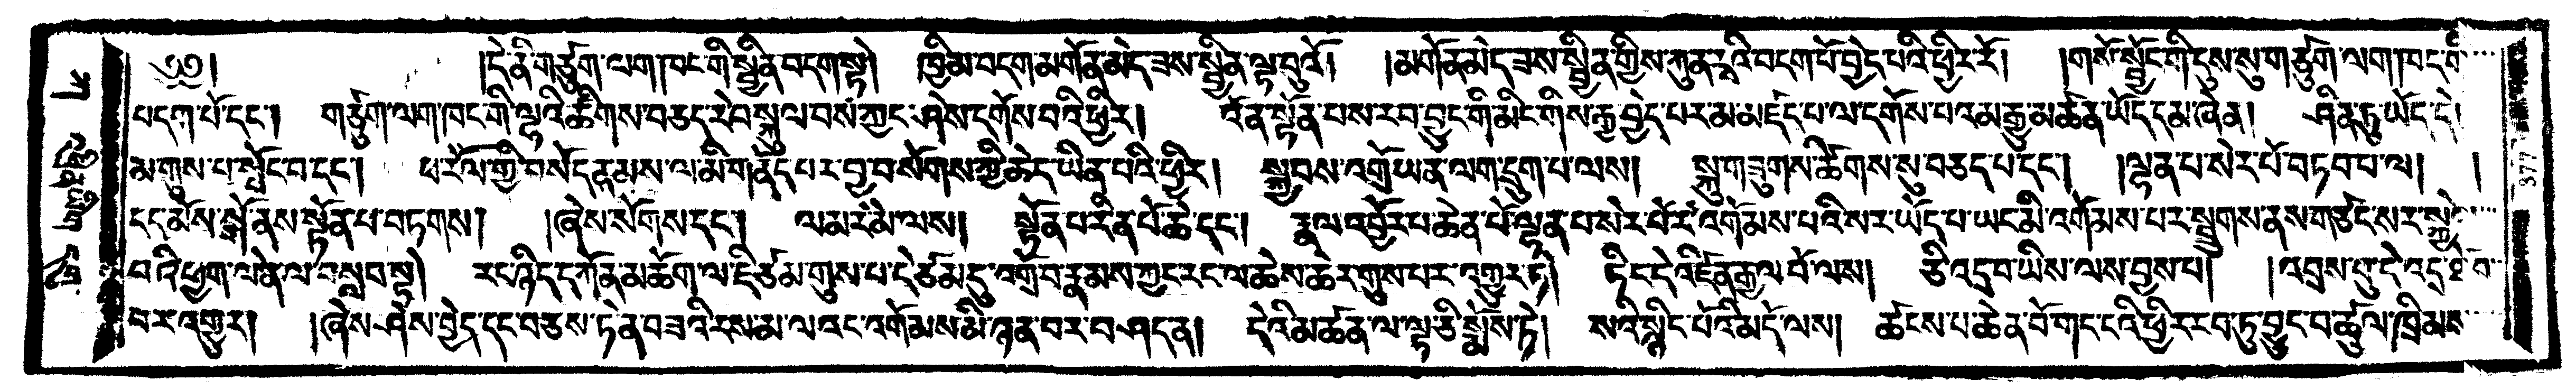༄༅། །དེ་ནི་གཙུག་ལག་ཁང་གི་སྦྱིན་བདག་སྟེ། ཁྱིམ་བདག་མགོན་མེད་ཟས་སྦྱིན་ལྟ་བུའོ། །མགོན་མེད་ཟས་སྦྱིན་གྱིས་ཀུན་རྭའི་བདག་པོ་བྱེད་པའི་ཕྱིར་རོ། །གསོ་སྦྱོང་གི་དུས་སུ་གཙུག་ལག་ཁང་བཾ་
བདག་པོ་དང་། གཙུག་ལག་ཁང་གི་ལྷའི་ཚིགས་བཅད་རེབ་སྐུལ་བས་ཀྱང་ཤེས་དགོས་པའི་ཕྱིར། འོན་སྟོན་བས་རབ་བྱུང་གི་མིང་གིས་རྒྱ་བྱེད་པར་མ་མཛད་པ་ལ་དགོས་པའམ་རྒྱུ་མཚན་ཡོད་དམ་ཞེན། ཤིན་ཏུ་ཡོད་དེ།
མགུས་པ་སྤོང་བ་དང་། ཕ་རོལ་གྱི་བསོད་ནམས་ལ་མི་གནོད་པར་བྱ་བ་སོགས་ཀྱི་ཆེད་ཡིན་པའི་ཕྱིར། སྐྱབས་འགྲོ་ཡན་ལག་དྲུག་པ་ལས། སྐུ་གཟུགས་ཚིགས་སུ་བཅད་པ་དང་། །ལྷན་པ་སེར་པོ་བཏབ་པ་ལ། །
དད་མོས་སྒོ་ནས་སྟོན་པ་བཏགས། །ཞེས་སོགས་དང་། ལམ་རིམ་ལས། སྟོན་པ་རིན་པོ་ཆེ་དང་། རྣལ་འབྱོར་པ་ཆེན་པོ་ལྷན་པ་སེར་པོ་རེ་འགོམས་པའི་སར་ཡོད་པ་ཡང་མི་འགོམས་པར་བསྲུགས་ནས་གཏང་སར་སྐྱེས་
བའི་ཕྱག་ལེན་ལ་བསླབ་སྟེ། རང་ཉིད་དཀོན་མཆོག་ལ་ཇི་ཙམ་གུས་པ་དེ་ཙམ་དུ་འགྲོ་བ་རྣམས་ཀྱང་རང་ལ་ཆེས་ཆེར་གུས་པར་འགྱུར་ཏེ། ཏིང་ངེ་འཛིན་རྒྱལ་པོ་ལས། ཅི་འདྲ་བ་ཡིས་ལས་བྱས་པ། །འབྲས་བུ་དེ་འདྲ་ཐོབ་
བར་འགྱུར། །ཞེས་ཤེས་བྱེད་དང་བཅས་ཏེན་བཟའི་རས་མ་ལའང་འགོམས་མི་ཉན་པར་བཤད་ན། དེའི་མཚན་ལ་ལྟ་ཅི་སྨོས་ཏེ། སའི་སྙིང་པོའི་མདོ་ལས། ཚངས་པ་ཆེན་པོ་གང་ངའི་ཕྱིར་རབ་ཏུ་བྱུང་བ་ཚུལ་ཁྲིམས་